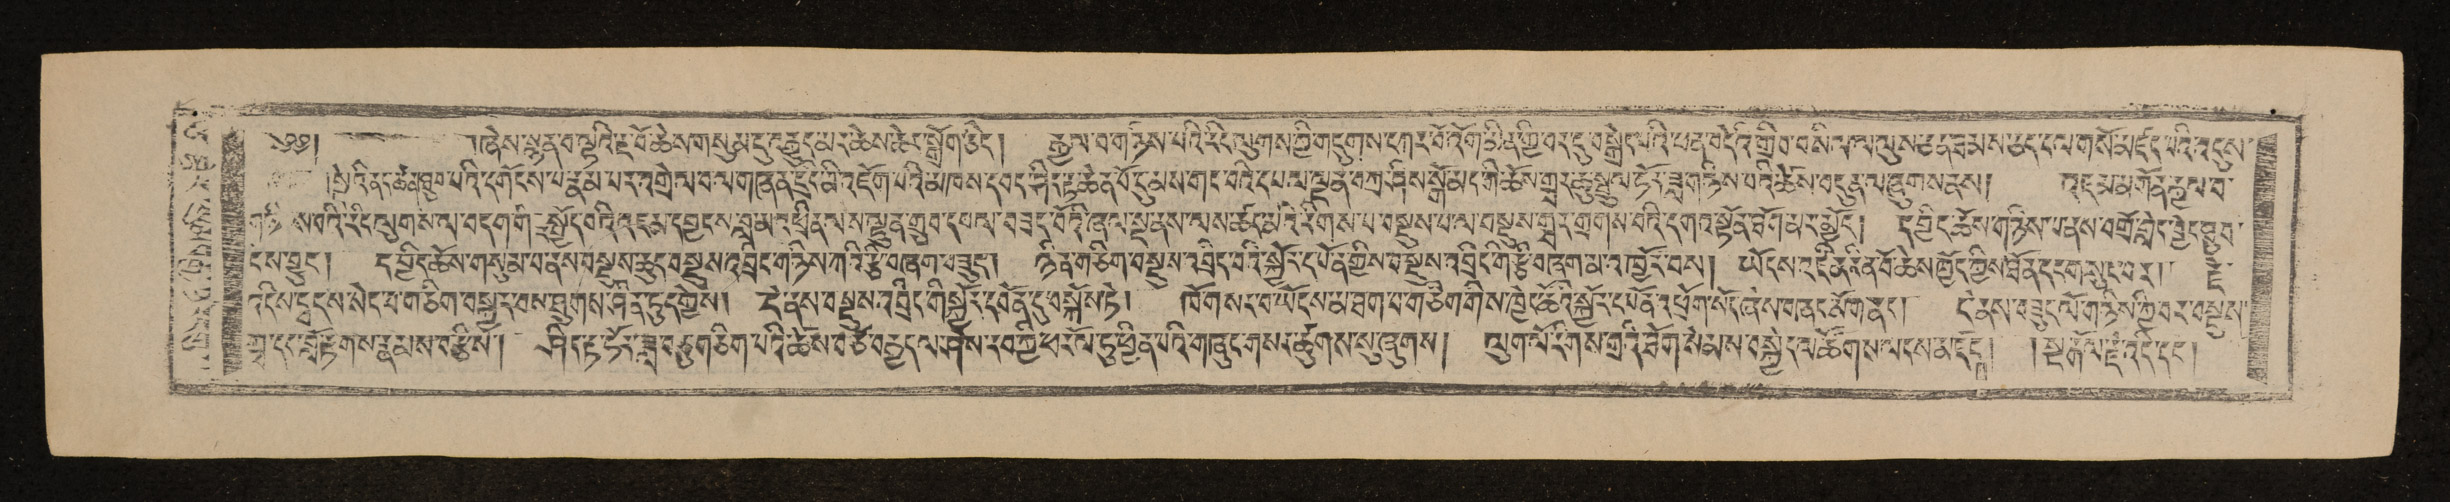༄༅། །ཞེས་སྙན་པ་ལྷའི་རྔ་བོ་ཆེས་གསུམ་དུ་བརྒྱུད་མར་ཆེས་ཆེར་སྒྲོག་ཅིང་། རྒྱལ་བ་གཉིས་པའི་རིང་ལུགས་ཀྱི་གདུགས་དཀར་པོ་འོག་མིན་གྱི་བར་དུ་བསྒྲེང་བའི་ཕན་བདེའི་གྲིབ་བསིལ་ལ་ལུས་ཅན་ཐམས་ཅད་ངལ་གསོ་མཛད་པའི་འདུས་
སྡེའི་ནང་ཚན། ཐུབ་པའི་དགོངས་པ་རྣམ་པར་འགྲེལ་བ་ལ་གཞན་དྲིང་མི་འཇོག་པའི་མཁས་དབང་ཤིང་རྟ་ཆེན་པོ་དུ་མས་གང་པའི་དཔལ་ལྡན་བཀྲ་ཤིས་སྒོ་མང་གི་ཆོས་གྲྭར་ཆུ་སྦྲུལ་ཧོར་ཟླ་གཉིས་པའི་ཚེས་བདུན་ལ་ཞུགས་ནས། འཇམ་མགོན་རྒྱལ་བ་
གཉིས་པའི་རིང་ལུགས་ལ་བདག་གིར་སྤྱོད་པའི་འཇམ་དབྱངས་བླ་མ་འཕྲིན་ལས་ལྷུན་གྲུབ་དཔལ་བཟང་པོའི་ཞལ་སྔ་ནས་ལས་ཚད་མའི་རིགས་པ་བསྡུས་པ་ལ་བསྡུས་གྲྭར་གྲགས་པའི་དགའ་སྟོན་ཐོག་མར་མྱོང་། དཔྱིད་ཆོས་གཉིས་པ་ནས་འགྲོ་གླེང་བྱེད་ཐུབ་
ངེས་བྱུང་། དཔྱིད་ཆོས་གསུམ་པ་ནས་བསྡུས་ཆུང་བསྡུས་འབྲིང་གཉིས་ཀའི་རྩི་བཞག་བཟུང་། ཉིན་གཅིག་བསྡུས་འབྲིང་པའི་སྐྱོར་དཔོན་གྱིས་བསྡུས་འབྲིང་གི་རྩི་བཞག་མ་འཁྱོར་བས། ཡོངས་འཛིན་རིན་པོ་ཆེས་ཁྱོད་ཀྱིས་ཐོན་དང་གསུང་པར། རྫ་
འདིས་དྭངས་སེང་བ་གཅིག་བསྐྱར་བས་ཐུགས་ཤིན་ཏུ་དགྱེས། དེ་ནས་བསྡུས་འབྲིང་གི་སྐྱོར་དཔོན་དུ་བསྐོས་ཏེ། ཁོ་གསར་པ་ཡོངས་མཐག་པ་གཅིག་གིས་ཁྱེད་ཚོའི་སྐྱོར་དཔོན་འཕྲོག་སོང་ཞེས་བཞད་མོ་གནང་། དེ་ནས་བཟུང་ལོ་གཉིས་ཀྱི་བར་བསྡུས་
གླ་དང་བློ་རྟགས་རྣམས་བརྩིས། ཤིང་རྟ་ཧོར་ཟླ་བཅུ་གཅིག་པའི་ཚེས་བཅོ་བརྒྱད་ལ་ཤེས་རབ་ཀྱི་ཕ་རོལ་ཏུ་ཕྱིན་པའི་གཞུང་གསར་ཚུགས་སུ་ཞུགས། ལུག་ལོ་རིགས་གྲའི་ཐོག་སེམས་བསྐྱེད་ལ་ཚོགས་ལངས་མཛད། སྔ་རྒོལ་རྗེ་འདི་དང་།